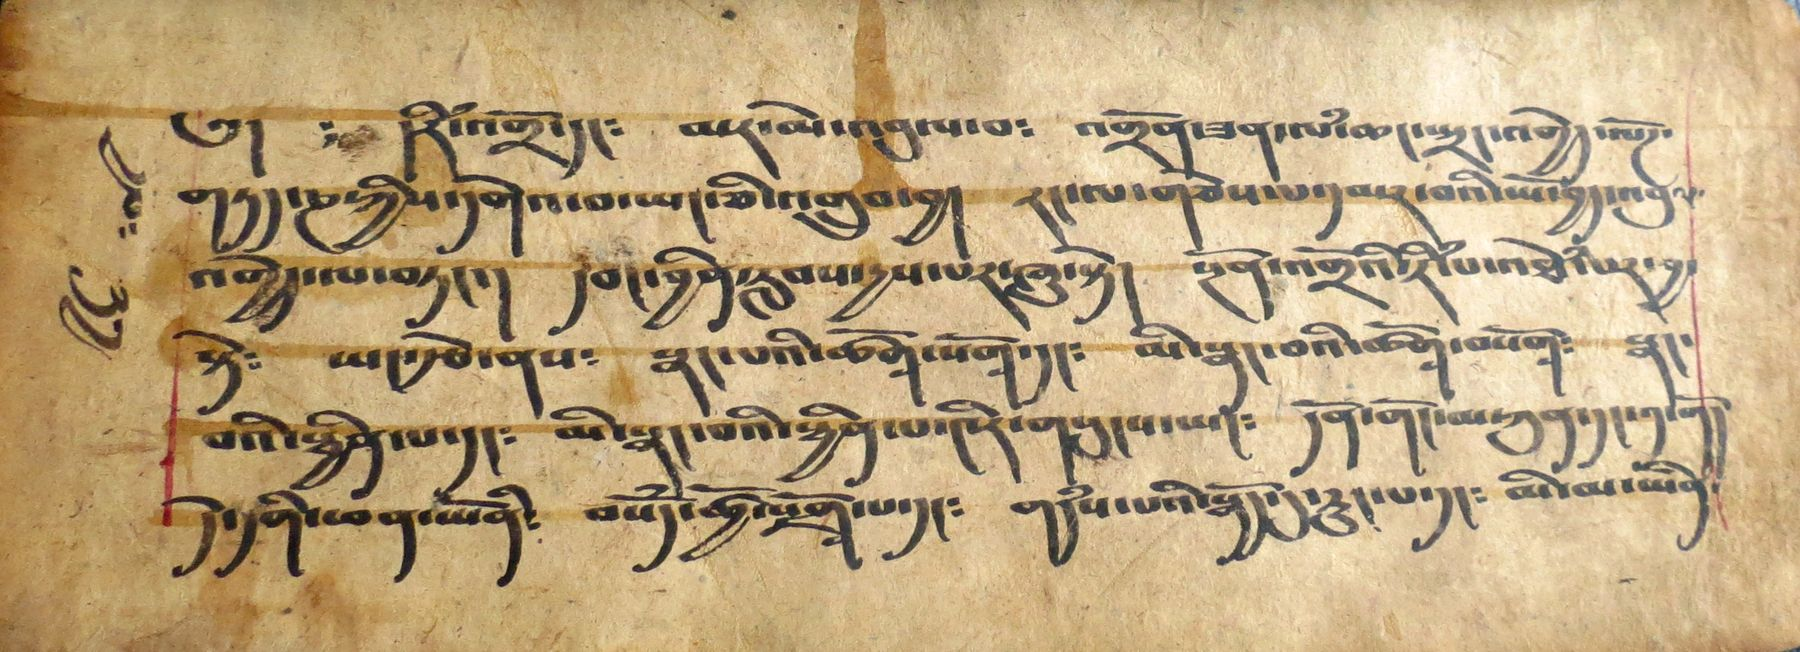བའི་རིམ་གྲོ་དང་། མར་མེ་འབུལ་བ། མགྲོན་ཟན་ལམ་ཆང་སྤྲང་འགྱེད་ལ་སོགས་
གཏན་མེད་ཀྱི་དགེ་བ་ཡང་ཅི་འགྲུབ་བྱ། རང་ལ་གཅེས་པ་དམར་བའི་ཡོ་བྱད་ལོངས་སྤྱོད་འབུལ། 
འགྱེད་བཏང་། དབང་བྱིན་རླབས་རྒྱས་པར་ཞུ་སྟེ། སྔོན་འགྲོའི་རིམ་པ་རྣམས་ཐེབས་པར་བྱ་
སྟེ། ཡང་རྩེ་ནས། སྣང་བའི་ཚོགས་གསོག་དང་། མི་སྣང་བའི་ཚོགས་བསོགས། སྣང་
བའི་སྦྱིན་པ་དང་། མི་སྣང་བའི་སྦྱིན་པ་བཞིར་གསུངས་པ་ཡང་། དོན་གོང་མ་ཀུན་དང་གཅིག་གོ 
དེ་དག་གི་ཕན་ཡོན་ནི། བསོད་ནམས་ཀྱི་ཚོགས་རྫོགས་པ་དང་། གདམས་པའི་སྣོད་དུ་རུང་བ་དང་། མི་མ་ཡིན་